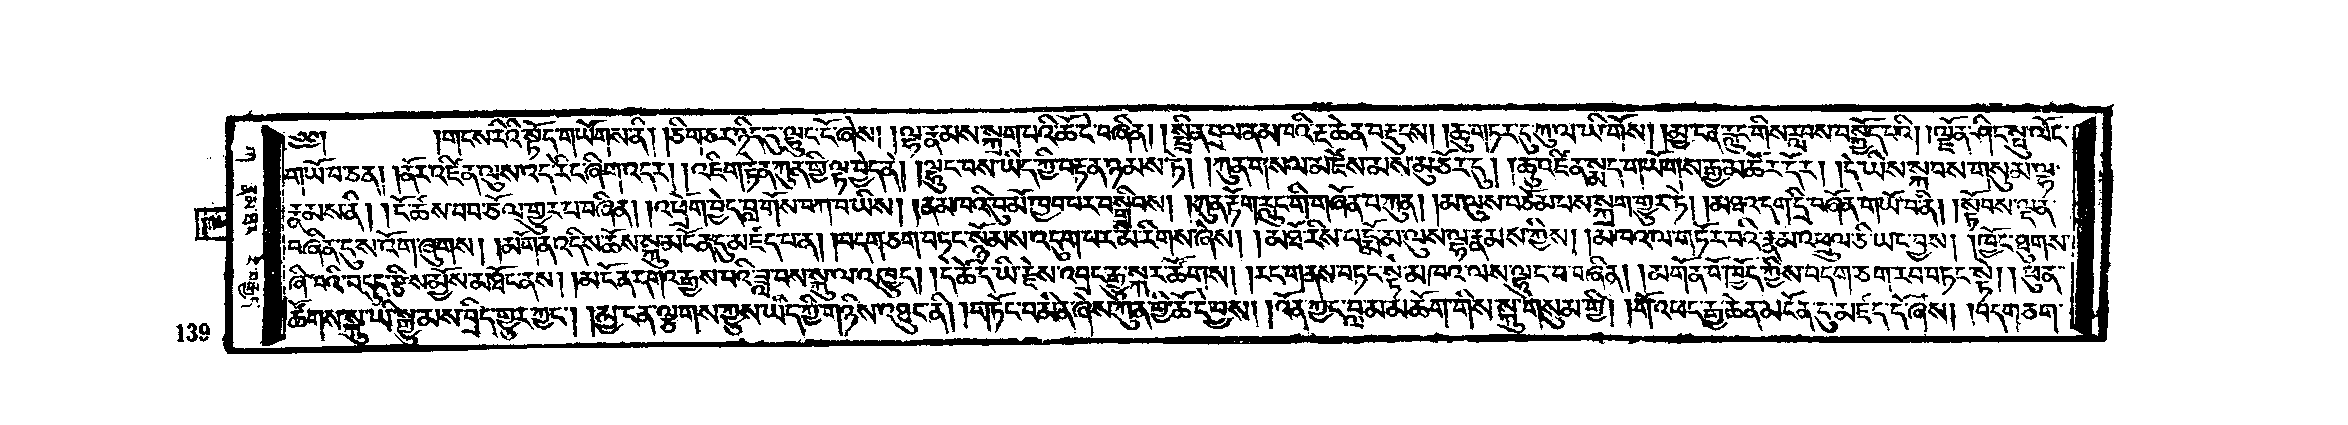༄༅། །གངས་རིའི་སྟོད་གཡོགས་ནི། །ཅིག་ཅར་ཉིད་དུ་ལྟུང་ངོ་ཞེས། །ལྷ་རྣམས་སྐྲག་པའི་ཆོ་ངེ་བཞིན། །སྤྲིན་བྲལ་ནམ་མཁའི་རྔ་ཆེན་བརྡུངས། །ཆུ་གཏར་དུ་ཀུ་ལ་ཡི་གོས། །མྱ་ངན་རླུང་གིས་རླབས་བསྐྱོད་པའི། །ལྗོན་ཤིང་སྤུ་ལོང་
གཡོ་བ་ཅན། །ནོར་འཛིན་ལུས་འདི་རིང་ཞིག་འདར། །འཇིག་རྟེན་ཀུན་གྱི་ལྟ་བྱེད་ནེ། །ལྷུང་བས་ཡིད་ཀྱི་བརྟན་ཉམས་ཏེ། །ཀུན་གསལ་མཛེས་མས་མུ་ཅོར་དུ། །ཆུ་འཛིན་སྨད་གཡོགས་རྒྱ་མཚོར་དོར། །དེ་ཡིས་སྐབས་གསུམ་ལྷ་
རྣམས་ནི། །ངོ་ཚས་བབ་ཅོལ་གྱུར་པ་བཞིན། །འཕྲོག་བྱེད་བླ་གོས་བཀ་བ་ཡིས། །ནམ་མཁའི་བུ་མོ་ཁྱབ་པར་བསྒྲིབས། །ཀུན་རྟོག་རླུང་གི་གཞོན་པ་ཀུན། །མ་ལུས་བཅོམ་པས་སྐྲག་གྱུར་ཏེ། །མཐའ་དག་དྲི་བཞོན་གཡོ་བ་ནི། །སྟོབས་ལྡན་
བཞིན་དུ་ས་འོག་ཞུགས། །མགོན་འདིས་ཆོས་སྐུ་མངོན་དུ་མཛད་པ་ན། །བདག་ཅག་བཏང་སྙོམས་འདུག་པར་མི་རིགས་ཞེས། །མཐོ་རིས་པདམོ་མ་ལུས་ལྷ་རྣམས་ཀྱིས། །མཁའ་ལ་གཏོར་བའི་རྣམ་འཕྲུལ་ཅི་ཡང་བྱས། །ཁྱོད་ཐུགས་
ཞི་བའི་བདུད་རྩིས་མྱོས་མཐོང་ནས། །མངོན་དགའ་རྒྱས་པའི་ཟླ་བས་སྐུ་ལ་འཁྱུད། །དེ་ཚེ་དེ་ཡི་རྗེས་འབྲང་རྒྱུ་སྐར་ཚོགས། །རང་གནས་བཏང་སྟེ་མཁའ་ལས་ལྷུང་བ་བཞིན། །མགོན་པོ་ཁྱོད་ཀྱིས་བདག་ཅག་རབ་བཏང་སྟེ། །ཕུན་
ཚོགས་སྐུ་ཡི་སྒྱུ་མས་བྲིད་གྱུར་ཀྱང་། །མྱ་ངན་ལྕགས་ཀྱུས་ཡིད་ཀྱི་གཉིས་འཐུང་ནི། །གཏོང་བ་མིན་ཞེས་ཀུན་གྱི་ཆོ་དེ་བྱས། །འོན་ཀྱང་བླ་མ་མཆོག་གིས་སྐུ་གསུམ་གྱི། །གོ་འཕང་རྒྱ་ཆེན་མངོན་དུ་མཛད་དོ་ཞེས། །བདག་ཅག་